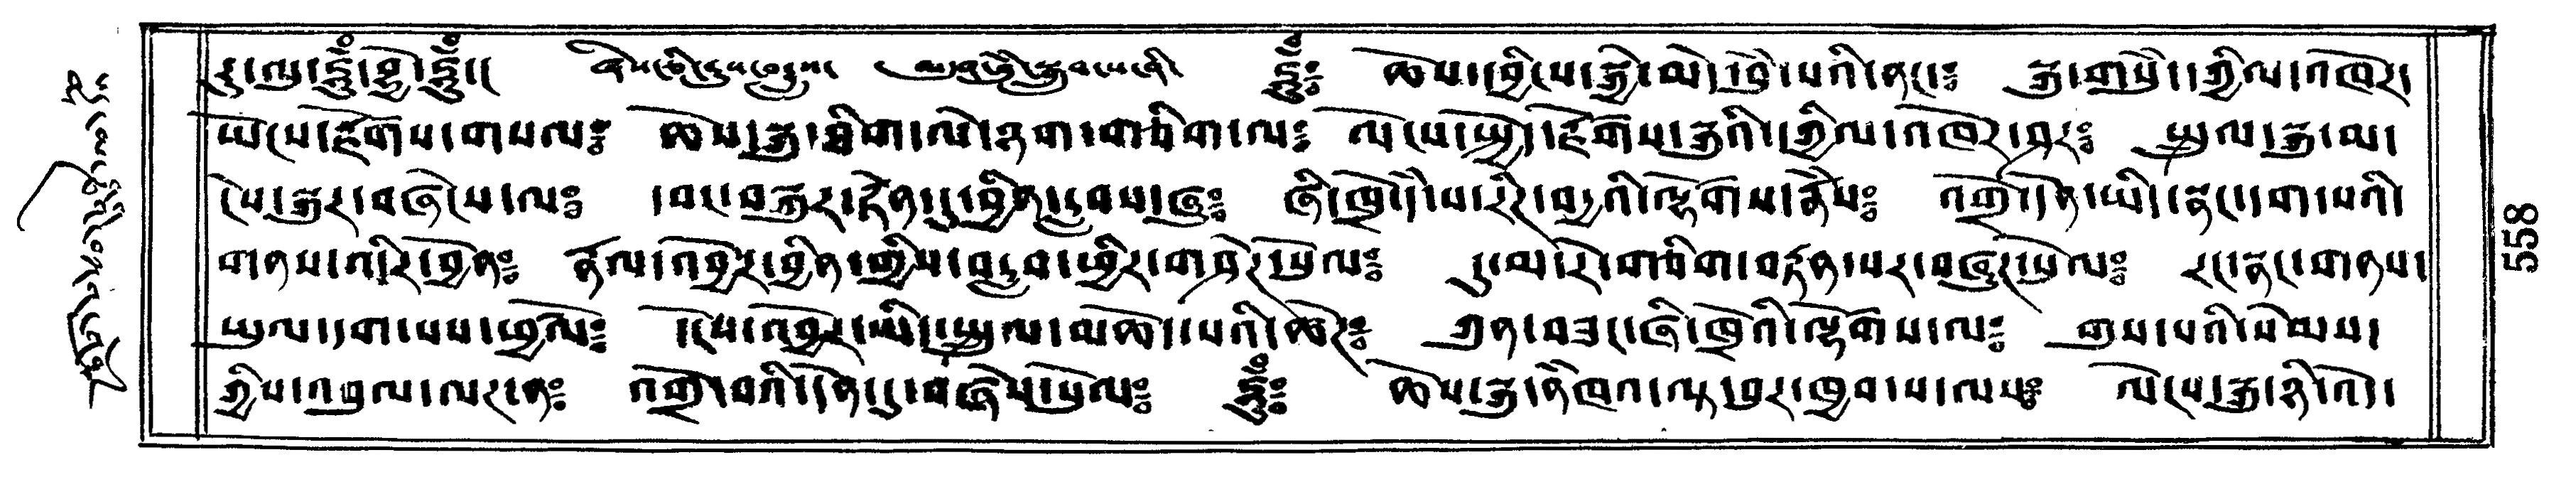རུ་ལུ་ཧཱུྃ་བྷྱོ་ཧཱུྃ༔ ཞེས་ཅི་ནུས་བཟླ། མདུན་བུམ་སྒྲུབ་པ་ནི། ཧཱུྃ༔ ཆོས་དབྱིངས་སྐྱེ་མེད་བུམ་པའི་ནང༔ སྐུ་གསུམ་དཀྱིལ་འཁོར་
ཡོངས་རྫོགས་གསལ༔ ཆོས་སྐུ་ཐིག་ལེ་ཉག་གཅིག་ལ༔ ལོངས་སྤྱཽད་རྫོགས་སྐུའི་དཀྱིལ་འཁོར་ཤར༔ སྤྲུལ་སྐུ་མ་
ངེས་སྐུར་བཞེངས་ལ༔ དབང་བསྐུར་རྟེན་དུ་བྱིན་རླབས་ཞུ༔ ཞི་ཁྲོ་དམ་པ་རིགས་བརྒྱའི་ལྷ་ཚོགས་རྣམས༔ འགྲོ་དོན་ཡིད་སྣང་དག་པའི་
གནས་འདིར་བྱོན༔ རྣལ་འབྱོར་བྱིན་གྱིས་རློབ་ཕྱིར་གཤེགས་སུ་གསོལ༔ དུ་མ་རོ་གཅིག་བརྟན་པར་བཞུགས་སུ་གསོལ༔ རང་སྣང་གནས་
ཡུལ་དག་པས་ཕྱག་འཚལ་ལོ༔ དངོས་འབྱོར་ཡིད་སྤྲུལ་མཆོད་པའི་ཚོགས༔ ཀུན་བཟང་ཞི་ཁྲོའི་ལྷ་ཚོགས་ལ༔ གུས་པའི་སེམས་
ཀྱིས་འབུལ་ལགས་ན༔ འགྲོ་བའི་དོན་དུ་བཞེས་སུ་གསོལ༔ ཧཱུྃ༔ ཆོས་སྐུ་ནམ་མཁའ་ལྟ་བུར་ཁྱབ་པ་ལས༔ ལོངས་སྐུ་ཉི་འོད་